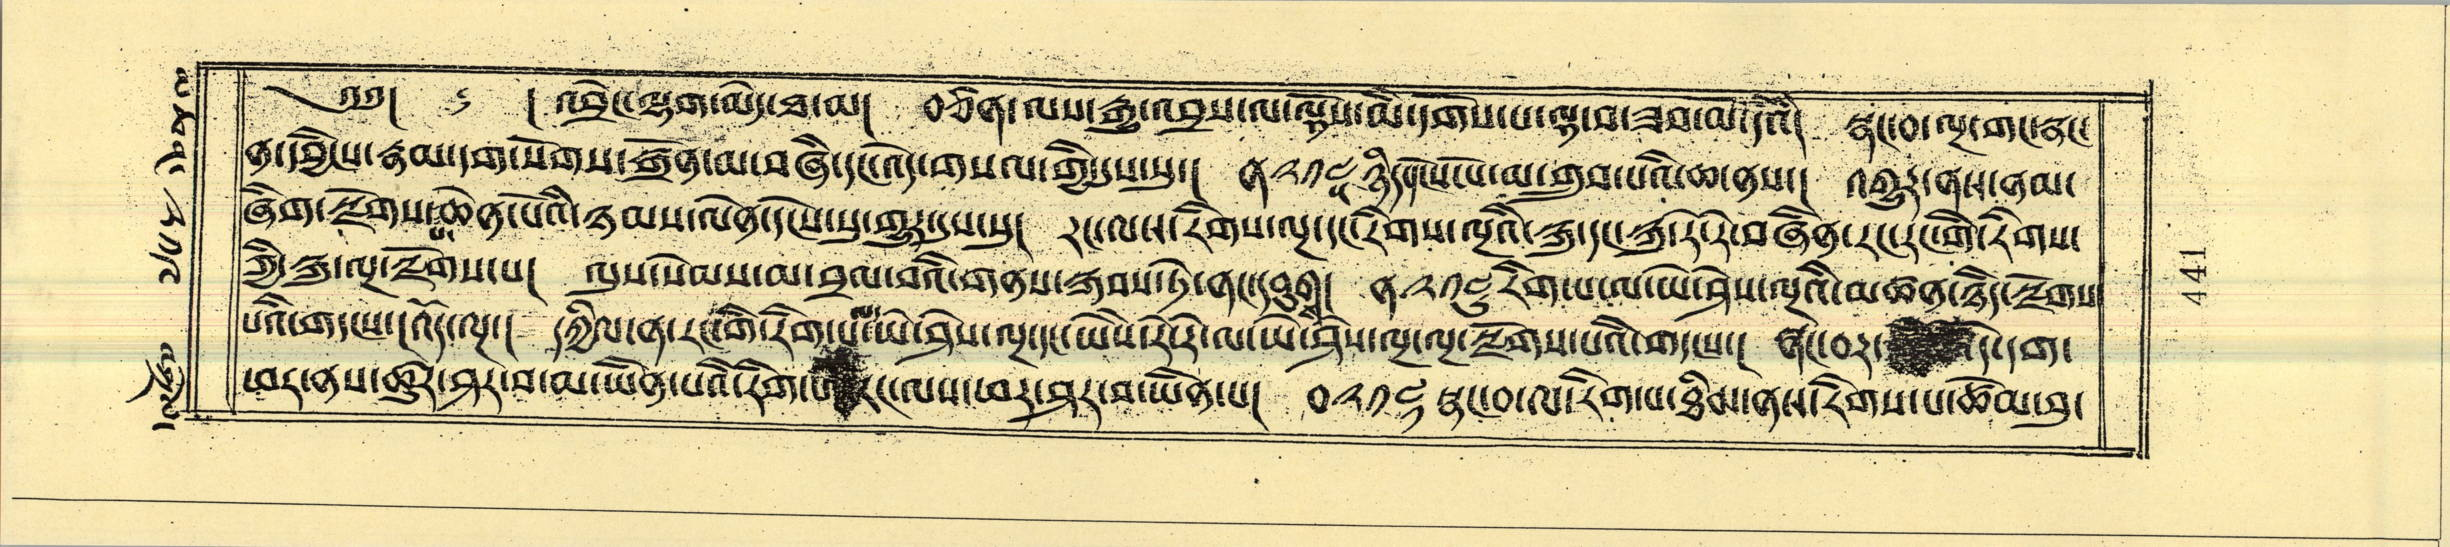འབྲིང་ལྷག་མེད། ཐ་མ་༼བཙན་ལས༽རྒྱུ་འབྲས་ལ་ལྟོས་མི་དགོས་པ་ལྟ་བ་ཟབ་མོ་དེའི།༼སྣང་བ༽ལྔ་གང་སྣང་
ན་དབྱིངས་རྣམ་དག་སོགས་སྒྲོན་མ་བཞི་དང་འོད་གསལ་གྱི་དུས་སུ་ན༡༡༤།༥ཉིད་དངོས་པོ་མ་གྲུབ་པའི་ཆ་ནས། འགྱུར་ནས་ནམ་
ཞིག་རྫོགས་པ་ཆེན་པོའི་ཉམས་ལེན་དངོས་སུ་གྱུར་དུས་སུ།༼རང་ལས༽རིགས་ལྔ་དང་རིགས་ལྔའི་སྐུ་དང་སྐུ་རེ་རེ་བཞིན་རང་རང་གི་རིགས་
ཀྱི་སྐུ་ལྔ་རྫོགས་པ། ལུས་སེམས་མ་བྲལ་བའི་གནས་སྐབས་ཏེ་༼ནང་དབུགས༽ ན༢༡༤།རིག་པ་ལ་ཡེ་ཤེས་ལྔ་ཡི་མཚན་ཉིད་རྫོགས་
པའི་གདངས་༼འོད་ལྔ༽༼དཀྱིལ་ན༽རང་གི་རིག་པའི་ཡེ་ཤེས་ལྔ་དང་ཡེ་ཤེས་རེ་རེ་ལ་ཡེ་ཤེས་ལྔ་ལྔ་རྫོགས་པའི་གདངས་༼སྣང་བར༽དེ་དག་
ཕར་ནས་ཚུར་ཤར་བ་མ་ཡིན་པའི་རིག་པ་རང་ལས་ཕར་ཤར་བ་ཡིན་པ་བ༢༡༤།༡༼སྣང་བ་ལ༽རིག་པ་༼ཐིམ་ནས༽རིགས་པ་ཚོམ་བུ་